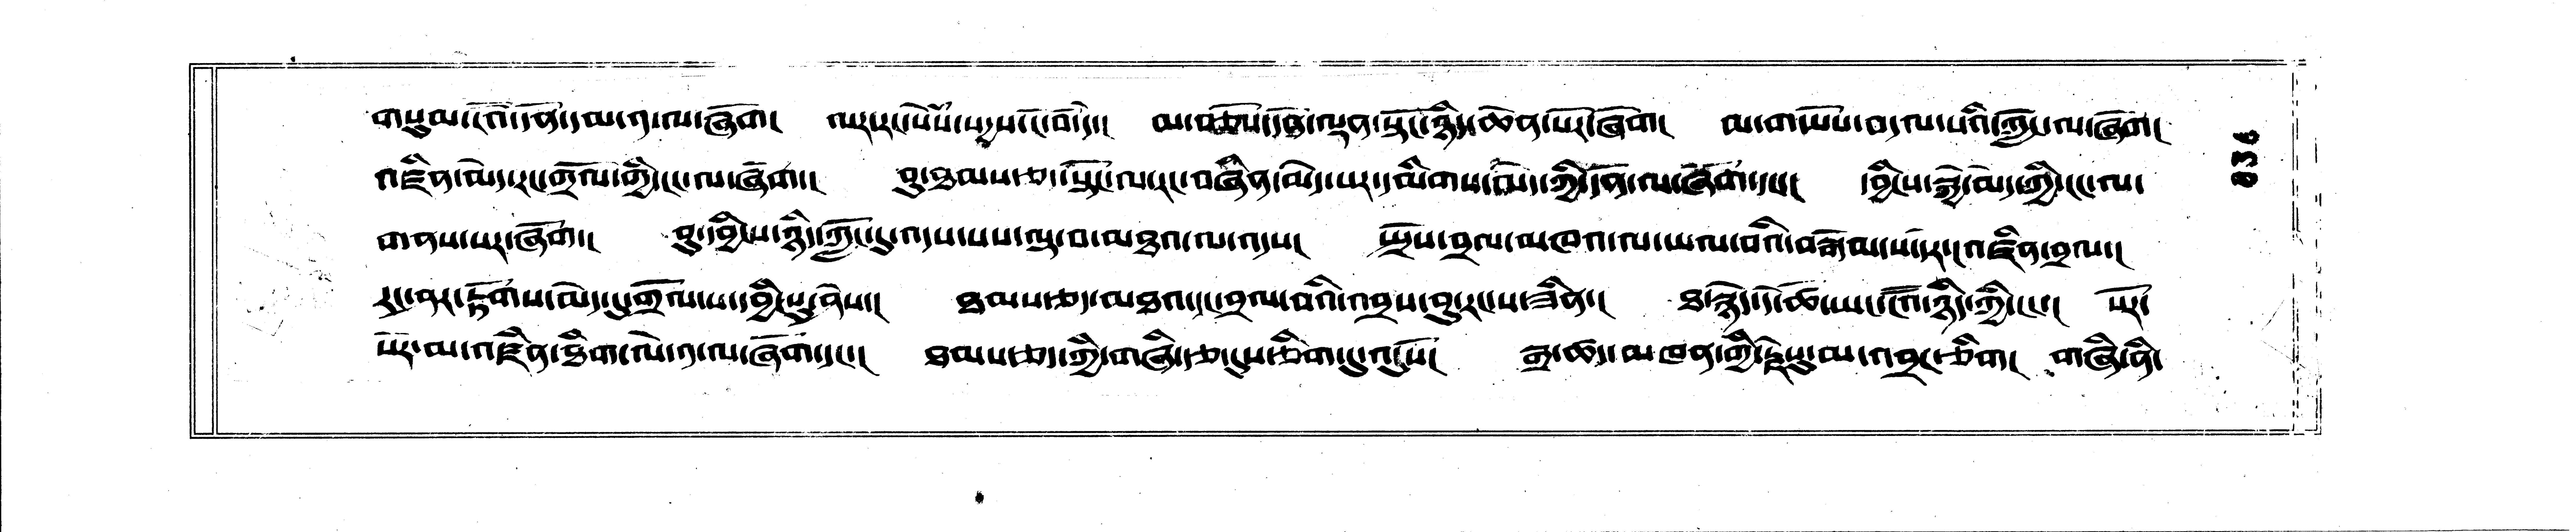གསུམ་ངོའོ་དོན་དམ་གཅིག་ལ་ཞོག །ལར་རང་སེམས་སངས་རྒྱས་ངོའོ་དེ། མ་བཅོས་དོན་ལྡན་སྟོང་ཉིད་ཆེན་པོར་ཞོག མ་གཡོས་བདལ་པའི་ཀློང་ལ་ཞོག 
འཛིན་མེད་རང་གྲོལ་གྱི་ངང་ལ་ཞོག བུ་ཐམས་ཅད་སྟོང་ལ་རང་བཞིན་མེད་པར་དམིགས་མེད་ཀྱི་དོན་ལ་ཞོག་དང་། དབྱིངས་སྐྱེ་མེད་ཀྱི་ངང་ལ་
གནས་པར་ཞོག བུ་དབྱིངས་ཉིད་ཀློང་དུ་འདས་པས་ལྟ་བ་མཐའ་ལ་འདས། སྤྲོས་བྲལ་མཁའ་ལ་ཡལ་བའི་བསྒོམ་པ་དེར་འཛིན་བྲལ། 
རང་ཤར་རྟོག་མེད་དུ་གྲོལ་བ་དབྱིངས་སུ་ཤེས། ཐམས་ཅད་མཐའ་དང་བྲལ་བའི་འབྲས་བུ་རང་ས་ཟིན། ཐ་སྙད་དེ་ཚོ་ཡང་ངོའོ་ཉིད་ཀྱི་ངང་། སོ་སོར་
མ་འཛིན་ཐིག་ལེ་གཅིག་ལ་ཞོག་དང་། ཐམས་ཅད་ཀྱི་གཞི་རྩ་དུས་གཅིག་ཏུ་འདུས་སོ། །སྒྲ་ཚད་མཁན་གྱི་རྗེས་སུ་མ་འབྲང་ཅིག །གཞི་ནི་